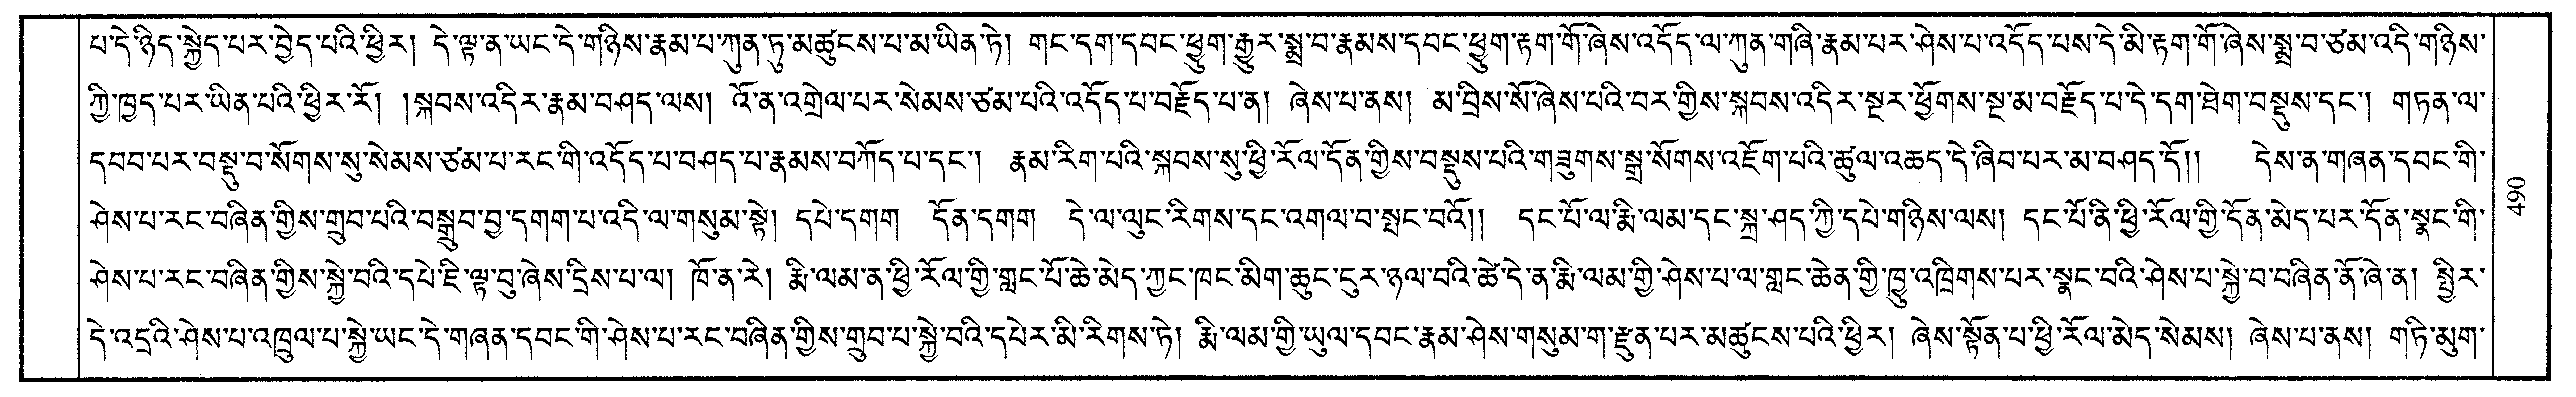པ་དེ་ཉིད་སྐྱེད་པར་བྱེད་པའི་ཕྱིར། དེ་ལྟ་ན་ཡང་དེ་གཉིས་རྣམ་པ་ཀུན་ཏུ་མཚུངས་པ་མ་ཡིན་ཏེ། གང་དག་དབང་ཕྱུག་རྒྱུར་སྨྲ་བ་རྣམས་དབང་ཕྱུག་རྟག་གོ་ཞེས་འདོད་ལ་ཀུན་གཞི་རྣམ་པར་ཤེས་པ་འདོད་པས་དེ་མི་རྟག་གོ་ཞེས་སྨྲ་བ་ཙམ་འདི་གཉིས་
ཀྱི་ཁྱད་པར་ཡིན་པའི་ཕྱིར་རོ། །སྐབས་འདིར་རྣམ་བཤད་ལས། འོ་ན་འགྲེལ་པར་སེམས་ཙམ་པའི་འདོད་པ་བརྗོད་པ་ན། ཞེས་པ་ནས། མ་བྲིས་སོ་ཞེས་པའི་བར་གྱིས་སྐབས་འདིར་སྔར་ཕྱོགས་སྔ་མ་བརྗོད་པ་དེ་དག་ཐེག་བསྡུས་དང་། གཏན་ལ་
དབབ་པར་བསྡུ་བ་སོགས་སུ་སེམས་ཙམ་པ་རང་གི་འདོད་པ་བཤད་པ་རྣམས་བཀོད་པ་དང་། རྣམ་རིག་པའི་སྐབས་སུ་ཕྱི་རོལ་དོན་གྱིས་བསྡུས་པའི་གཟུགས་སྒྲ་སོགས་འཇོག་པའི་ཚུལ་འཆད་དེ་ཞིབ་པར་མ་བཤད་དོ།། དེས་ན་གཞན་དབང་གི་
ཤེས་པ་རང་བཞིན་གྱིས་གྲུབ་པའི་བསྒྲུབ་བྱ་དགག་པ་འདི་ལ་གསུམ་སྟེ། དཔེ་དགག །དོན་དགག །དེ་ལ་ལུང་རིགས་དང་འགལ་བ་སྤང་བའོ།། དང་པོ་ལ་རྨི་ལམ་དང་སྐྲ་ཤད་ཀྱི་དཔེ་གཉིས་ལས། དང་པོ་ནི་ཕྱི་རོལ་གྱི་དོན་མེད་པར་དོན་སྣང་གི་
ཤེས་པ་རང་བཞིན་གྱིས་སྐྱེ་བའི་དཔེ་ཇི་ལྟ་བུ་ཞེས་དྲིས་པ་ལ། ཁོ་ན་རེ། རྨི་ལམ་ན་ཕྱི་རོལ་གྱི་གླང་པོ་ཆེ་མེད་ཀྱང་ཁང་མིག་ཆུང་ངུར་ཉལ་བའི་ཚེ་དེ་ན་རྨི་ལམ་གྱི་ཤེས་པ་ལ་གླང་ཆེན་གྱི་ཁྱུ་འཁྲིགས་པར་སྣང་བའི་ཤེས་པ་སྐྱེ་བ་བཞིན་ནོ་ཞེ་ན། སྤྱིར་
དེ་འདྲའི་ཤེས་པ་འཁྲུལ་པ་སྐྱེ་ཡང་དེ་གཞན་དབང་གི་ཤེས་པ་རང་བཞིན་གྱིས་གྲུབ་པ་སྐྱེ་བའི་དཔེར་མི་རིགས་ཏེ། རྨི་ལམ་གྱི་ཡུལ་དབང་རྣམ་ཤེས་གསུམ་ག་རྫུན་པར་མཚུངས་པའི་ཕྱིར། ཞེས་སྟོན་པ་ཕྱི་རོལ་མེད་སེམས། ཞེས་པ་ནས། གཏི་མུག་